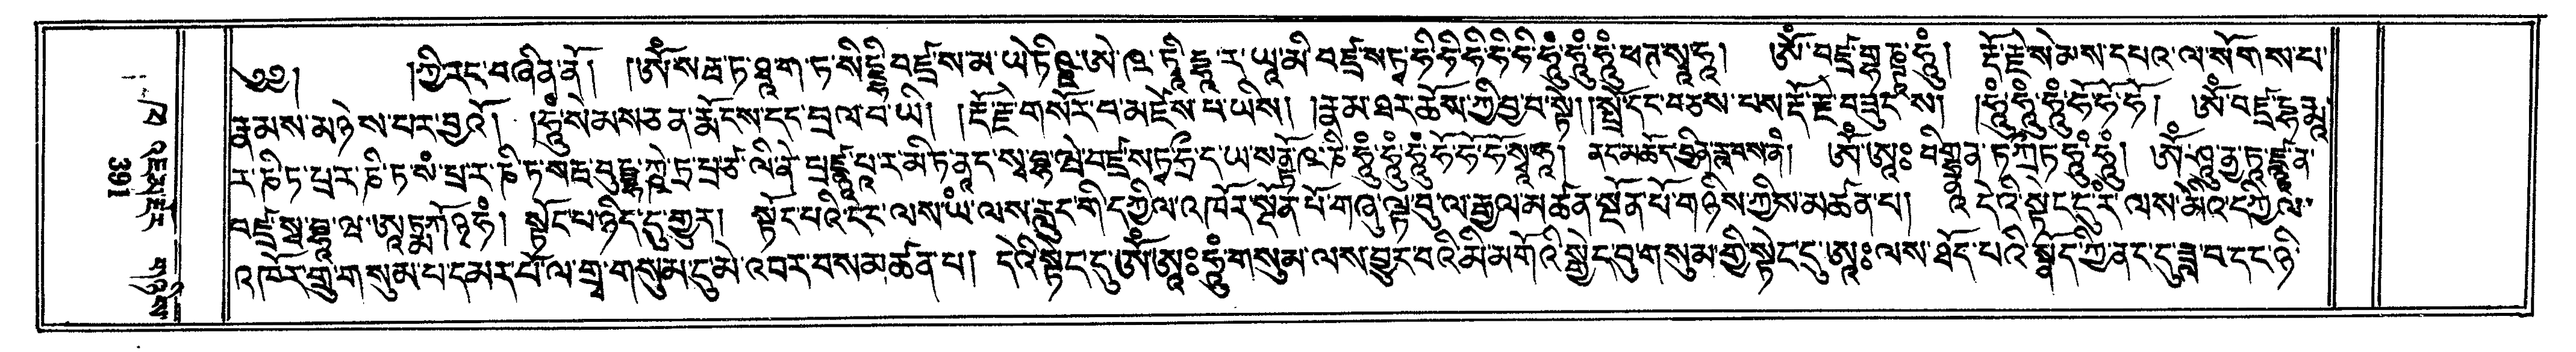༄༅། །ཀྱི་རང་བཞིན་ནོ། །ཨོཾ་སརྦ་ཏ་ཐཱ་ག་ཏ་སིདྡྷི་བཛྲ་ས་མ་ཡེ་ཏི་ཥཊཿཨ་ཨེ་ཥ་ཏྭཱཾ་དྷཱ་ར་ཡཱ་མི་བཛྲ་ས་ཏྭ་ཧི་ཧི་ཧི་ཧི་ཧི་ཧཱུམ་ཧཱུཾ་ཕཊ་སྭཱ་ཧཱ། ཨོཾ་བཛྲ་གྷ་ཎྚ་ཧཱུཾ། རྡོ་རྗེ་སེམས་དཔའ་ལ་སོགས་པ་
རྣམས་མཉེས་པར་བྱའོ། །ཧཱུཾ་སེམས་ཅན་རྨོངས་དང་བྲལ་བ་ཡི། །རྡོ་རྗེ་གསོར་བ་མཛེས་པ་ཡིས། །རྣམ་ཐར་ཆོས་ཀྱི་བྱ་བ་སྟ། །སྤྲོ་དང་བཅས་པས་རྡོ་རྗེ་བཟུངས་ས། །ཧཱུཾ་ཧཱུཾ་ཧཱུཾ་ཧོ་ཧོ་ཧོ། ཨོཾ་བཛྲ་བཛྲ་དྷ་རྨཱ་
ར་ནི་ཏ་པྲ་ར་ཎི་ཏ་ས་པྲ་ར་ཎི་ཏ་སརྦ་བུདྡྷཱ་ཀྵེ་ཏྲ་པྲ་ཙ་ལི་ནེ་པྲ་ཛྙཱ་པཱ་ར་མི་ཏ་ནཱ་ད་སྭ་བྷ་ཝ་བཛྲ་ས་ཏྭ་ཧྲྀ་ད་ཡ་སནྟོ་ཥ་ཎི་ཧཱུཾ་ཧཱུཾ་ཧཱུཾ་ཧོ་ཧོ་ཧོ་སྭཱ་ཧཱ། ནང་མཆོད་བྱིན་རླབས་ནི། ཨོཾ་ཨཱ་བིགྷྞཱ་ན་ཏ་ཀྲི་ཏ་ཧཱུཾ་ཧཱུཾ། ཨོཾ་ཤཱུ་ནྱ་ཏཱ་ཛྙཱ་ན་
བཛྲ་སྭ་བྷཱ་ཝ་ཨཱ་ཏྨ་ཀོཉྷཾ། སྟོང་པ་ཉིད་དུ་གྱུར། སྟོང་ཨཱི་ངང་ལས་ཡཾ་ལས་རླུང་གི་དཀྱིལ་འཁོར་སྔོན་པོ་གཞུ་ལྟ་བུ་ལ་རྒྱལ་མཚན་སྔོན་པོ་གཉིས་མཚན་པ། དེའི་སྟེང་དུ་རཾ་ལས་མེའི་དཀྱིལ་
འཁོར་གྲུ་གསུམ་པ་དམར་པོ་ལ་གྲྭ་གསུམ་དུ་མེ་འབར་བས་མཚན་པ། དེའི་སྟེང་དུ་ཨོཾ་ཨཱཿ ཧཱུཾ་གསུམ་ལས་བྱུང་བའི་མི་མགོའི་སྐྱེད་བུ་གསུམ་གྱི་སྟེང་དུ་ཨཱཿ ལས་ཐོད་པའི་སྣོད་ཀྱི་ནང་དུ་ཟླ་བ་དང་ཉི་